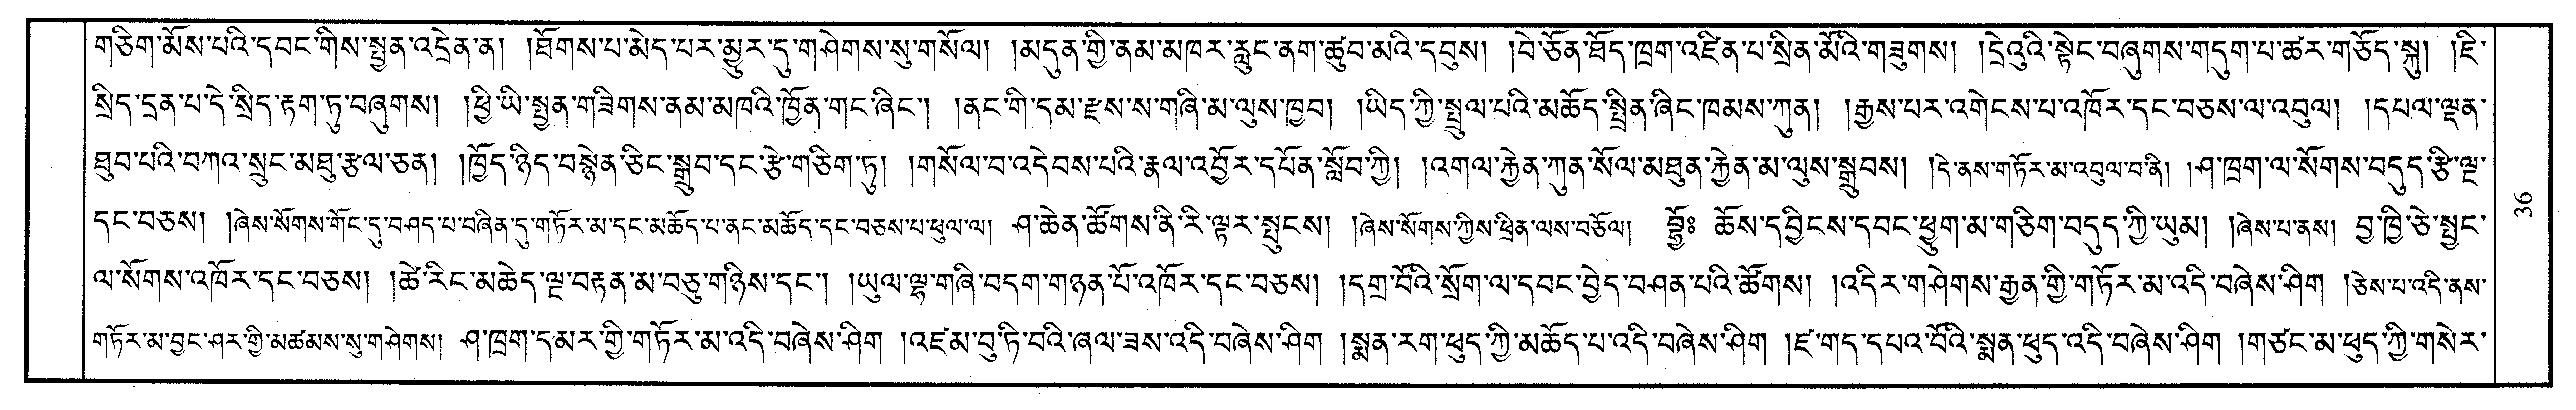གཅིག་མོས་པའི་དབང་གིས་སྤྱན་འདྲེན་ན། །ཐོགས་པ་མེད་པར་མྱུར་དུ་གཤེགས་སུ་གསོལ། །མདུན་གྱི་ནམ་མཁར་རླུང་ནག་ཚུབ་མའི་དབུས། །བེ་ཅོན་ཐོད་ཁྲག་འཛིན་པ་སྲིན་མོའི་གཟུགས། །དྲེའུའི་སྟེང་བཞུགས་གདུག་པ་ཚར་གཅོད་སྐུ། །ཇི་
སྲིད་དྲན་པ་དེ་སྲིད་རྟག་ཏུ་བཞུགས། །ཕྱི་ཡི་སྤྱན་གཟིགས་ནམ་མཁའི་ཁྱོན་གང་ཞིང་། །ནང་གི་དམ་རྫས་ས་གཞི་མ་ལུས་ཁྱབ། །ཡིད་ཀྱི་སྤྲུལ་པའི་མཆོད་སྤྲིན་ཞིང་ཁམས་ཀུན། །རྒྱས་པར་འགེངས་པ་འཁོར་དང་བཅས་ལ་འབུལ། །དཔལ་ལྡན་
ཐུབ་པའི་བཀའ་སྲུང་མཐུ་རྩལ་ཅན། །ཁྱོད་ཉིད་བསྙེན་ཅིང་སྒྲུབ་དང་རྩེ་གཅིག་ཏུ། །གསོལ་བ་འདེབས་པའི་རྣལ་འབྱོར་དཔོན་སློབ་ཀྱི། །འགལ་རྐྱེན་ཀུན་སོལ་མཐུན་རྐྱེན་མ་ལུས་སྒྲུབས། །དེ་ནས་གཏོར་མ་འབུལ་བ་ནི། །ཤ་ཁྲག་ལ་སོགས་བདུད་རྩི་ལྔ་
དང་བཅས། །ཞེས་སོགས་གོང་དུ་བཤད་པ་བཞིན་དུ་གཏོར་མ་དང་མཆོད་པ་ནང་མཆོད་དང་བཅས་པ་ཕུལ་ལ། ཤ་ཆེན་ཚོགས་ནི་རི་ལྟར་སྤུངས། །ཞེས་སོགས་ཀྱིས་ཕྲིན་ལས་བཅོལ། བྷྱོཿ ཆོས་དབྱིངས་དབང་ཕྱུག་མ་གཅིག་བདུད་ཀྱི་ཡུམ། །ཞེས་པ་ནས། བྱ་ཁྱི་ཅེ་སྤྱང་
ལ་སོགས་འཁོར་དང་བཅས། །ཚེ་རིང་མཆེད་ལྔ་བརྟན་མ་བཅུ་གཉིས་དང་། །ཡུལ་ལྷ་གཞི་བདག་གཉན་པོ་འཁོར་དང་བཅས། །དགྲ་བོའི་སྲོག་ལ་དབང་བྱེད་བཤན་པའི་ཚོགས། །འདིར་གཤེགས་རྒྱན་གྱི་གཏོར་མ་འདི་བཞེས་ཤིག །ཅེས་པ་འདི་ནས་
གཏོར་མ་བྱང་ཤར་གྱི་མཚམས་སུ་གཤེགས། ཤ་ཁྲག་དམར་གྱི་གཏོར་མ་འདི་བཞེས་ཤིག །འཛམ་བུ་ཏི་བའི་ཞལ་ཟས་འདི་བཞེས་ཤིག །སྨན་རག་ཕུད་ཀྱི་མཆོད་པ་འདི་བཞེས་ཤིག །ཛ་གད་དཔའ་བོའི་སྨན་ཕུད་འདི་བཞེས་ཤིག །གཙང་མ་ཕུད་ཀྱི་གསེར་